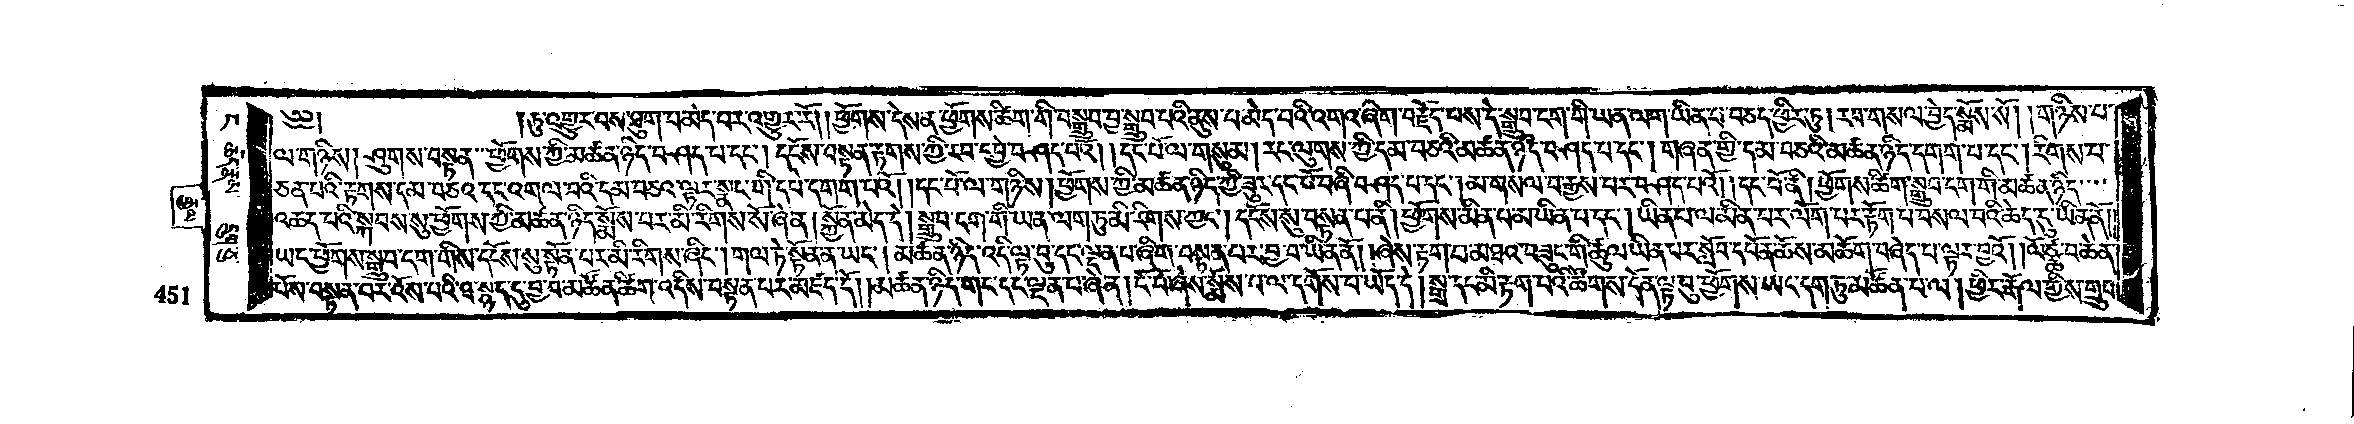༄༅། །ཏུ་འགྱུར་བས་ཐུག་པ་མེད་པར་འགྱུར་རོ། །ཕྱོགས་དེས་ན་ཕྱོགས་ཚིག་གི་བསྒྲུབ་བྱ་སྒྲུབ་པའི་ནུས་པ་མེད་པའི་འགའ་ཞིག་བརྗོད་པས་དེ་སྒྲུབ་ངག་གི་ཡན་ལག་ཡིན་པ་བཅད་ཕྱིར་ཏུ། རབ་གསལ་བྱེད་སྨོས་སོ། །གཉིས་པ་
ལ་གཉིས། ཤུགས་བསྟན་ཕྱོགས་ཀྱི་མཚན་ཉིད་བཤད་པ་དང་། དངོས་བསྟན་རྟགས་ཀྱི་རབ་དབྱེ་བཤད་པའོ། །དང་པོ་ལ་གསུམ། རང་ལུགས་ཀྱི་དམ་བཅའི་མཚན་ཉིད་བཤད་པ་དང་གཞན་གྱི་དམ་བཅའི་མཚན་ཉིད་དགག་པ་དང་། རིགས་པ་
ཅན་པའི་རྟགས་དམ་བཅའ་དང་འགལ་བའི་དམ་བཅའ་ལྟར་སྣང་གི་དཔེ་དགག་པའོ། །དང་པོ་ལ་གཉིས། ཕྱོགས་ཀྱི་མཚན་ཉིད་ཀྱི་ཟུར་དང་པོ་བཞི་བཤད་པ་དང་། མ་གསལ་པ་རྒྱས་པར་བཤད་པའོ། །དང་པོ་ནི། ཕྱོགས་ཚིག་སྒྲུབ་ངག་གི་མཚན་ཉིད་
འཆད་པའི་སྐབས་སུ་ཕྱོགས་ཀྱི་མཚན་ཉིད་སྨོས་པར་མི་རིགས་སོ་ཞེ་ན། སྐྱོན་མེད་དེ། སྒྲུབ་ངག་གི་ཡན་ལག་ཏུ་མི་རིགས་ཀྱང་། དངོས་སུ་བསྟན་པ་ནི། ཕྱོགས་མིན་པ་མ་ཡིན་པ་དང་། ཡིན་པ་ལ་མིན་པར་ལོག་པར་རྟོག་པ་བསལ་བའི་ཆེད་དུ་ཡིན་ནོ། །
ཡང་ཕྱོགས་སྒྲུབ་ངག་གིས་དངོས་སུ་སྟོན་པར་མི་རིགས་ཞིང་། གལ་ཏེ་སྟོན་ན་ཡང་། མཚན་ཉིད་འདི་ལྟ་བུ་དང་ལྡན་པ་ཞིག་བསྟན་པར་བྱ་བ་ཡིན་ནོ། །ཞེས་རྟག་པ་མཐའ་བཟུང་གི་ཚུལ་ཡིན་པར་སློབ་དཔོན་ཆོས་མཆོག་བཞེད་པ་ལྟར་བྱའོ། །ལོཙྪ་བ་ཆེན་
པོས་བསྟན་པར་འོས་པའི་ཐ་སྙད་དུ་བྱ་བ་མཚོན་ཚིག་འདིས་བསྟན་པར་མཛད་དོ། །མཚན་ཉིད་གང་དང་ལྡན་པ་ཞེ་ན། ངོ་བོ་ཞེས་སྨོས་པ་ལ་དགོས་པ་ཡོད་དེ། སྒྲ་དང་མི་རྟག་པའི་ཚིགས་དོན་ལྟ་བུ་ཕྱོགས་ཡང་དག་ཏུ་མཚོན་པ་ལ། ཕྱིར་རྒོལ་གྱིས་གྲུབ་